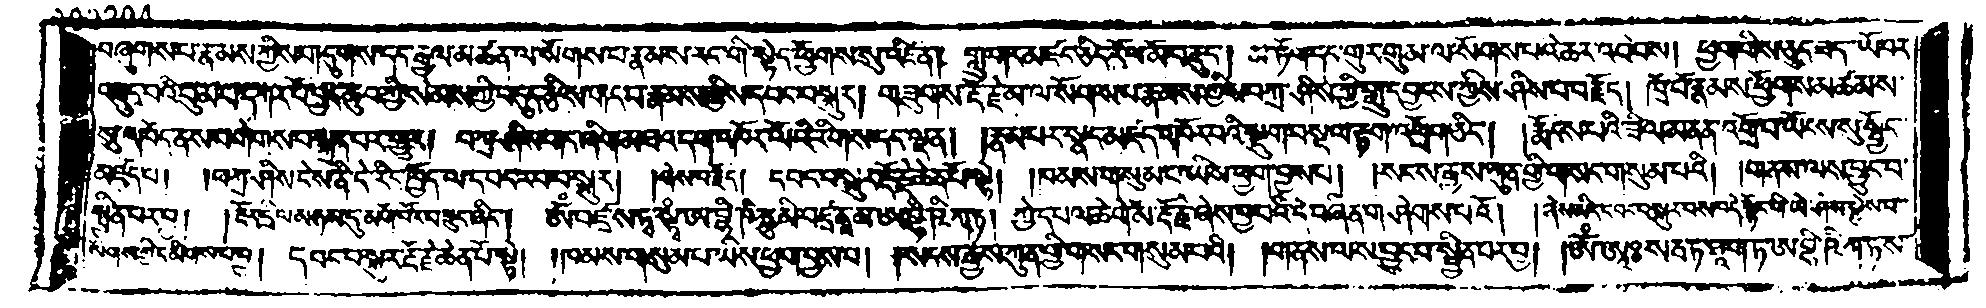བཞུགས་པ་རྣམས་ཀྱིས་གདུགས་དང་རྒྱལ་མཚན་ལ་སོགས་པ་རྣམས་རང་གི་སྟེང་ཕྱོགས་སུ་འཛིན། གླུ་གར་མཛད་ཅིང་རོལ་མོ་བརྡུང་། མེ་ཏོག་དང་གུར་གུམ་ལ་སོགས་པའི་ཆར་འབེབས། ཕྱག་གིས་ཅུང་ཟད་ཡོ་བར་
བཟུང་བའི་བུམ་པ་དཀར་པོ་བྱང་ཆུབ་ཀྱི་སེམས་ཀྱི་བདུད་རྩིས་གང་བ་རྣམས་ཀྱིས་དབང་བསྐུར། གཟུགས་རྡོ་རྗེ་མ་ལ་སོགས་པ་རྣམས་ཀྱིས་བཀྲ་ཤིས་ཀྱི་གླུ་དབྱངས་ཀྱིས་ཤིས་པ་བརྗོད། ཁྲོ་བོ་རྣམས་ཕྱོགས་མཚམས་
སུ་འཁོད་ནས་བགེགས་བསྐྲད་པར་གྱུར། བཀྲ་ཤིས་གང་ཞིག་མཐའ་དག་འཁོར་ལོའི་རིགས་དང་ལྡན། །རྣམ་པར་སྣང་མཛད་འཁོར་བའི་སྡུག་བསྔལ་རྟག་འཕྲོག་ཅིང་། །རྨོངས་པའི་ཟིལ་མནན་འགྲོ་བ་ཡོངས་སུ་སྦྱོང་
མཛད་པ། །བཀྲ་ཤིས་དེས་ནི་དེ་རིང་ཁྱོད་ལ་དབང་རབ་བསྐུར། །ཞེས་བརྗོད།  དབང་བསྐུར་རྡོ་རྗེ་ཆེན་པོ་སྟེ། །ཁམས་གསུམ་པ་ཡིས་ཕྱག་བྱས་པ། །སངས་རྒྱས་ཀུན་གྱི་གསང་གསུམ་པའི། །གནས་ལས་བྱུང་བ་
སྦྱིན་པར་བྱ། །རྡོར་དྲིལ་མཉམ་དུ་མགོ་བོར་བཟུང་ཞིང་། ཨོཾ་བཛྲ་སཏྭ་སྟྭཾ་ཨ་བྷཱི་ཥི་ཉྩ་མི་བཛྲ་ནཱ་མ་ཨ་བྷི་ཥི་ཀཏ། ཀྱེ་དཔལ་ཆེ་གེ་མོ་རྡོ་རྗེ་ཞེས་བྱ་བའི་དེ་བཞིན་གཤེགས་པའོ། །ཞེས་མིང་དབང་བསྐུར་པས་བདེ་སྟོང་གི་ཡེ་ཤེས་སྐྱེས་པ་
སོགས་ཀྱི་དམིགས་པ་བྱ། དབང་བསྐུར་རྡོ་རྗེ་ཆེན་པོ་སྟེ། །ཁམས་གསུམ་པ་ཡིས་ཕྱག་བྱས་པ། །སངས་རྒྱས་ཀུན་གྱི་གསང་གསུམ་པའི། །གནས་ལས་བྱུང་བ་སྦྱིན་པར་བྱ། །ཨོཾ་ཨཱཿ སརྦ་ཏ་ཐཱ་ག་ཏ་ཨ་བྷི་ཥི་ཀ་ཏ་ས་